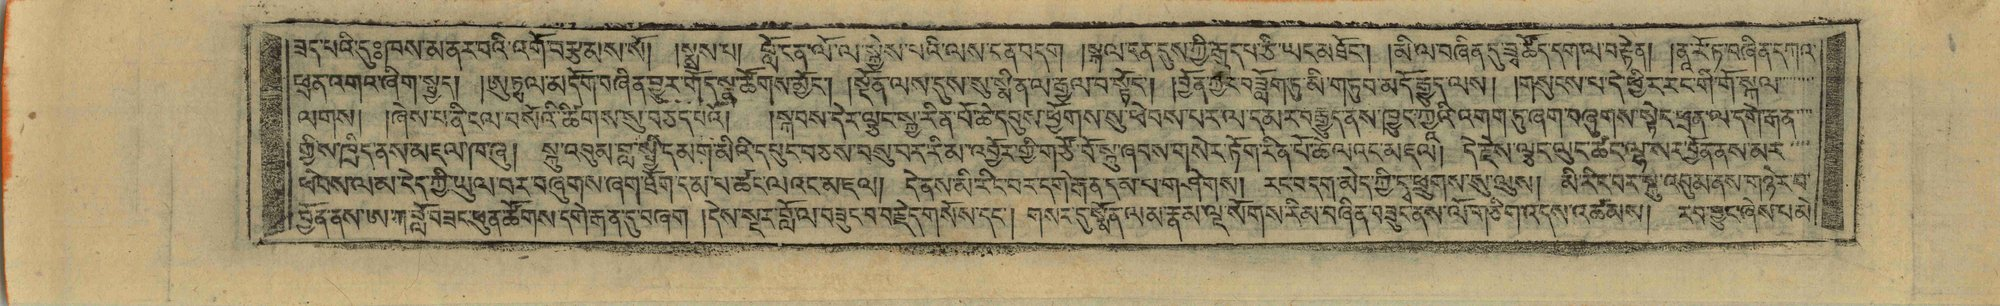ཟད་པའི་དུཿ ཁས་མནར་བའི་འགོ་བརྩམས་སོ། །སྨྲས་པ། བློ་ངན་ལོ་ལ་སྐྱེས་པའི་ལས་ངན་བདག །སྐལ་ངན་དུས་ཀྱི་རྒུད་པ་ཅི་ཡང་མཐོང་། །མི་ལ་བཞིན་དུ་ཟྭ་ཚོད་དག་ལ་བརྟེན། །ནཱ་རོ་ཏ་བཞིན་དཀའ་
ཕྲན་འགའ་ཞིག་སྤྱད། །ཨུཏྤལ་མདོག་བཞིན་བྱུར་གོད་སྣ་ཚོགས་མྱོང་། །སྔོན་ལས་དུས་སུ་སྨིན་ལ་རྒྱལ་བ་སྟོང་། །བྱོན་ཀྱང་བཟློག་ཏུ་མི་གཏུབ་མདོ་རྒྱུད་ལས། །གསུངས་པ་དེ་ཕྱིར་རང་གི་གོ་སྐལ་
ལགས། །ཞེས་པ་ནི་ངལ་བསོའི་ཚིགས་སུ་བཅད་པའོ། །སྐབས་དེར་ལྕང་སྐྱ་རིན་པོ་ཆེ་དབུས་ཕྱོགས་སུ་ཕེབས་པར་ལ་དམར་བརྒྱུད་ནས་ཁྱུང་ཀྱཱའི་འགག་ཏུ་ཞག་བཞུགས་སྟེང་ཕྲན་ལ་དགེ་རྒན་
གྱིས་ཁྲིད་ནས་མཇལ་ཁ་ཞུ། སྐུ་འབུམ་བླ་སྤྱི་དམག་མིའི་དཔུང་བཅས་བསུ་བར་རིམ་འབྱོར་གྱི་གཙོ་བོ་སྐུ་ཞབས་གསེར་ཏོག་རིན་པོ་ཆེ་ལའང་མཇལ། དེ་རྗེས་ལྕང་ལུང་ཚང་ལྷ་སར་བྱོན་ནས་མར་
ཕེབས་ལམ་ངེད་ཀྱི་ཡུལ་བར་བཞུགས་ཞག་ཐོག་དམ་པ་ཚང་ལའང་མཇལ། དེ་ནས་མི་རིང་བར་དགེ་རྒན་དམ་པ་གཤེགས། རང་བདག་མེད་ཀྱི་དྭ་ཕྲུགས་སུ་ལུས། མི་རིང་བར་སྐུ་འབུམ་ནས་གཉེར་བ་
བྱོན་ནས་ཨ་ཀ་བློ་བཟང་ཕུན་ཚོགས་དགེ་རྒན་དུ་བཞག །དེས་སྔར་བློ་ལ་བཟུང་བ་བརྗེད་གསོས་དང་། གསར་དུ་སྨོན་ལམ་རྣམ་ལྔ་སོགས་རིམ་བཞིན་བཟུང་ནས་ལོ་གཅིག་འདས་འཚམས། རབ་བྱུང་ཞེས་པ་མེ་